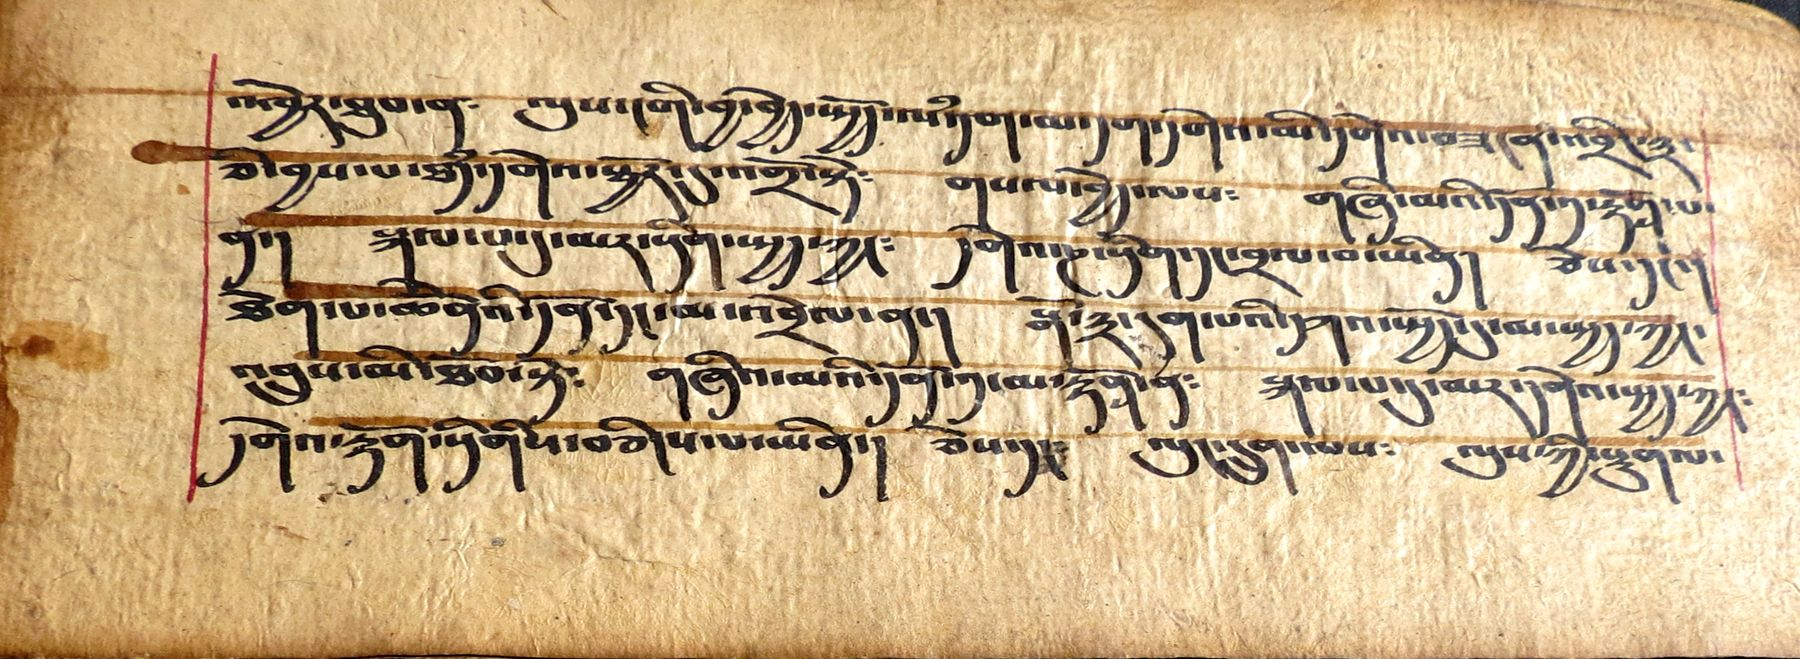འཁྱེར་ཐུབ་ན། ལུས་ངག་གི་བྱ་བྱེད། སྤྱོད་ལམ་དག་མ་དག་དགེ་མི་དགེ་བཟང་ངན་འབྲིང་གསུམ་
ཅི་བྱས་པ་ཐམས་ཅད་དགེ་སྦྱོར་དུ་འགྲོ་སྟེ། གསལ་བྱེད་ལས། གཞི་མའི་དོན་ཞིག་རྟོགས་པ་
ན། . བསྐལ་པ་དུ་མར་སྡིག་སྤྱད་ཀྱང་། དགེ་མེད་སྡིག་དང་བྲལ་བ་ཡིན། ཞེས་དང་། 
ཐེག་པ་ཆེན་པོའི་དོན་དང་མ་འབྲེལ་ན། སྒོ་གསུམ་དག་པའི་དཀའ་སྤྱད་དུ་མ་སྤྱད་ཀྱང་། 
འབྲས་བུ་མི་ཐོབ་སྟེ། གཞི་མའི་དོན་ཞིག་མ་རྟོགས་ན། བསྐལ་པ་དུ་མར་དགེ་སྤྱད་ཀྱང་། 
དགེ་རྟོག་སྡིག་གིས་བཅིངས་པ་ཡིན། ཅེས་དང་། ལུང་དྲུག་ལས། ལུས་ཀྱི་སྡུག་བསྔལ་